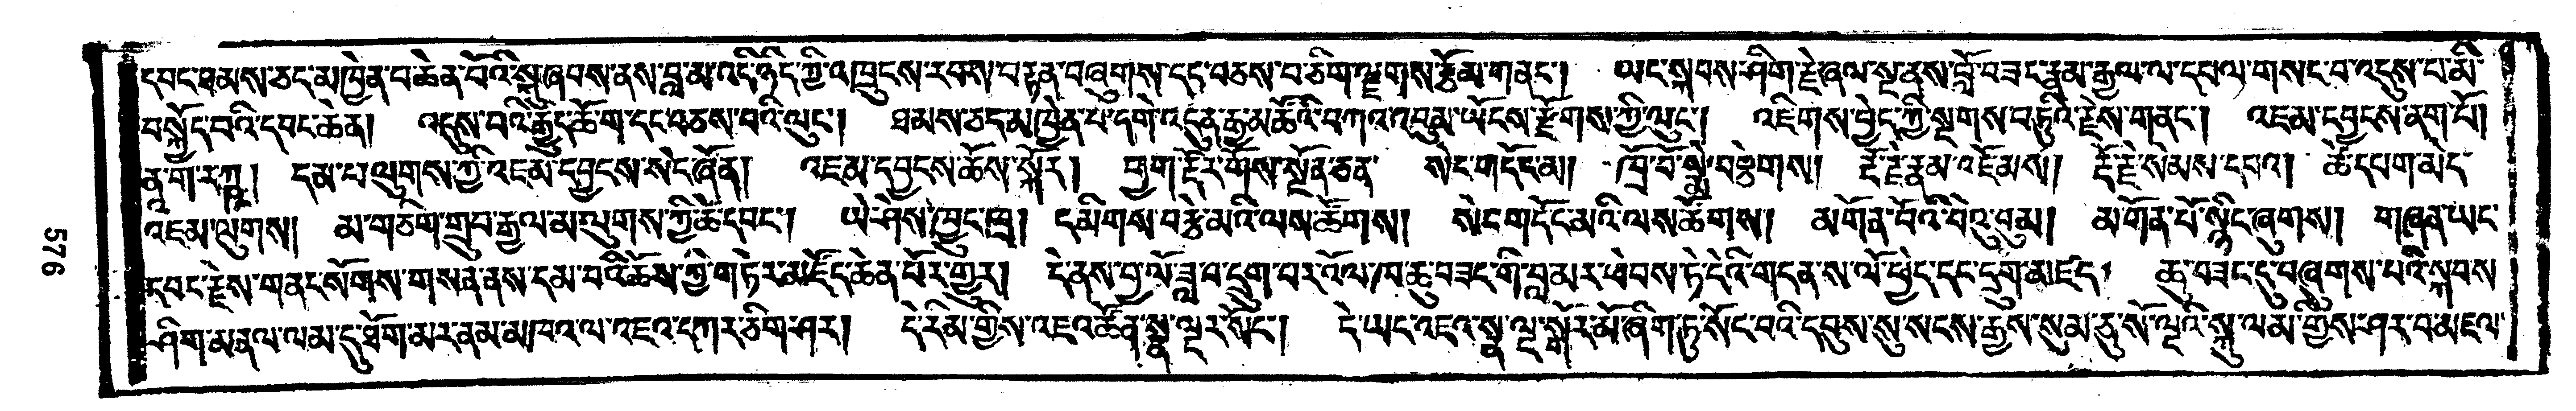དབང་ཐམས་ཅད་མཁྱེན་པ་ཆེན་པོའི་སྐུ་ཞབས་ནས་བླ་མ་འདི་ཉིད་ཀྱི་འཁྲུངས་རབས་བརྟན་བཞུགས་དང་བཅས་པ་ཅིག་ལྗགས་རྩོམ་གནང་། ཡང་སྐབས་ཤིག་རྗེ་ཞལ་སྔ་ནས་བློ་བཟང་རྣམ་རྒྱལ་ལ་དཔལ་གསང་བ་འདུས་པ་མི་
བསྐྱོད་བའི་དབང་ཆེན། འདུས་བའི་རྒྱུད་ཆོ་ག་དང་བཅས་བའི་ལུང་། ཐམས་ཅད་མཁྱེན་པ་དགེ་འདུན་རྒྱ་མཚོའི་བཀའ་འབུམ་ཡོངས་རྫོགས་ཀྱི་ལུང་། འཇིགས་བྱེད་ཀྱི་སྔགས་བཏུའི་རྗེས་གནང་། འཇམ་དབྱངས་ནག་པོ།
ནཱ་ག་རཀྵ། དམ་པ་ལུགས་ཀྱི་འཇམ་དབྱངས་སེང་ཞོན། འཇམ་དབྱངས་ཆོས་སྐོར། ཕྱག་རྡོར་གོས་སྔོན་ཅན། སེང་གདོང་མ། ཁྲོ་བོ་སྨྲེ་བརྩེགས། རྡོ་རྗེ་རྣམ་འཇོམས། རྡོ་རྗེ་སེམས་དཔའ། ཚེ་དཔག་མེད་
འཇམ་ལུགས། མ་གཅིག་གྲུབ་རྒྱལ་མ་ལུགས་ཀྱི་ཆེ་དབང་། ཡེ་ཤེས་ཁྱུང་ཁྲ། དམིགས་བརྩེ་མའི་ལས་ཚོགས། སེང་གདོང་མའི་ལས་ཚོགས། མགོན་པོའི་བེའུ་བུམ། མགོན་པོ་སྙིང་ཞུགས། གཞན་ཡང་
དབང་རྗེས་གནང་སོགས་གསན་ནས་དམ་བའི་ཆོས་ཀྱི་གཏེར་མཛོད་ཆེན་པོར་གྱུར། དེ་ནས་བྱ་ལོ་ཟླ་བ་དྲུག་བར་འོལ་ཁ་ཆུ་བཟང་གི་བླ་མར་ཕེབས་ཏེ་དེའི་གདན་ས་ལོ་ཕྱེད་དང་དྲུག་མཛད། ཆུ་བཟང་དུ་བཞུགས་པའི་སྐབས་
ཤིག་མནལ་ལམ་དུ་ཐོག་མར་ནམ་མཁའ་ལ་འཇའ་དཀར་ཅིག་ཤར། དེ་རིམ་གྱིས་འཇའ་ཚོན་སྣ་ལྔར་སོང་། དེ་ཡང་འཇའ་སྣ་ལྔ་སྒོར་མོ་ཞིག་ཏུ་སོང་བའི་དབུས་སུ་སངས་རྒྱས་སུམ་ཅུ་སོ་ལྔའི་སྐུ་ལམ་གྱིས་ཤར་བ་མཇལ་